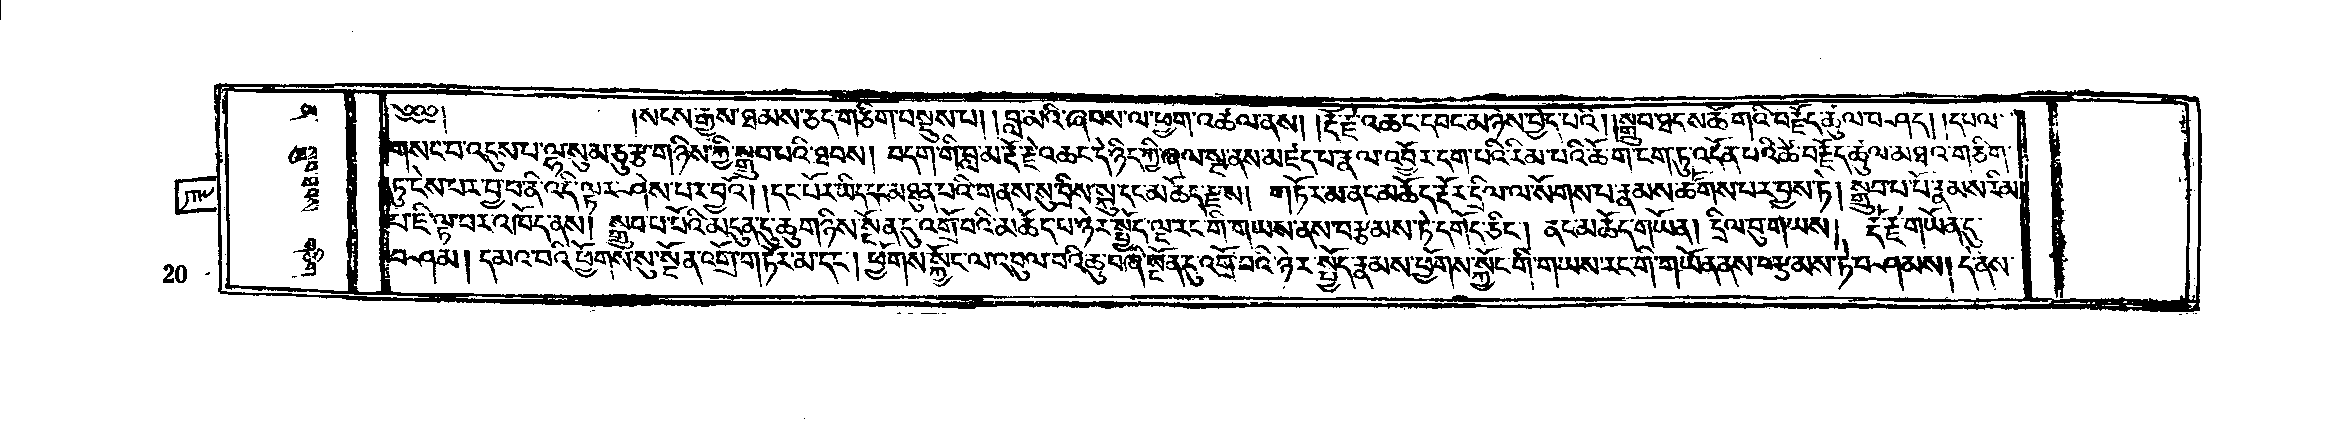༄༅༅། །སངས་རྒྱས་ཐམས་ཅད་གཅིག་བསྡུས་པ། །བླ་མའི་ཞབས་ལ་ཕྱག་འཚལ་ནས། །རྡོ་རྗེ་འཆང་དབང་མཉེས་བྱེད་པའི། །སྒྲུབ་ཐབས་ཆོ་གའི་བརྗོད་ཚུལ་བཤད། །དཔལ་
གསང་བ་འདུས་པ་ལྷ་སུམ་ཅུ་རྩ་གཉིས་ཀྱི་སྒྲུབ་པའི་ཐབས། བདག་གི་བླ་མ་རྡོ་རྗེ་འཆང་དེ་ཉིད་ཀྱི་ཞལ་སྔ་ནས་མཛད་པ་རྣལ་འབྱོར་དག་པའི་རིམ་པའི་ཆོ་ག་ངག་ཏུ་འདོན་པའི་ཚེ་བརྗོད་ཚུལ་མཐའ་གཅིག་
ཏུ་ངེས་པར་བྱ་བ་ནི་འདི་ལྟར་ཤེས་པར་བྱའོ། །དང་པོར་ཡིད་དང་མཐུན་པའི་གནས་སུ་བྲིས་སྐུ་དང་མཆོད་རྫས། གཏོར་མ་ནང་མཆོད་རྡོར་དྲིལ་ལ་སོགས་པ་རྣམས་ཆོགས་པར་བྱས་ཏེ། སྒྲུབ་པ་པོ་རྣམས་རིམ་
པ་ཇི་ལྟ་བར་འཁོད་ནས། སྒྲུབ་པ་པོའི་མདུན་དུ་ཆུ་གཉིས་སྔོན་དུ་འགྲོ་བའི་མཆོད་པ་ཉེར་སྤྱོད་ལྔ་རང་གི་གཡས་ནས་བརྩམས་ཏེ་དགོད་ཅིང་། ནང་མཆོད་གཡོན། དྲིལ་བུ་གཡས། རྡོ་རྗེ་གཡོན་དུ་
བཤམ། དམའ་བའི་ཕྱོགས་སུ་སྔོན་འགྲོ་གཏོར་མ་དང་། ཕྱོགས་སྐྱོང་ལ་འབུལ་བའི་ཆུ་བཞི་སྔོན་དུ་འགྲོ་བའི་ཉེར་སྤྱོད་རྣམས་ཕྱོགས་སྐྱོང་གི་གཡས་རང་གི་གཡོན་ནས་བརྩམས་ཏེ་བཤམས། དེ་ནས་